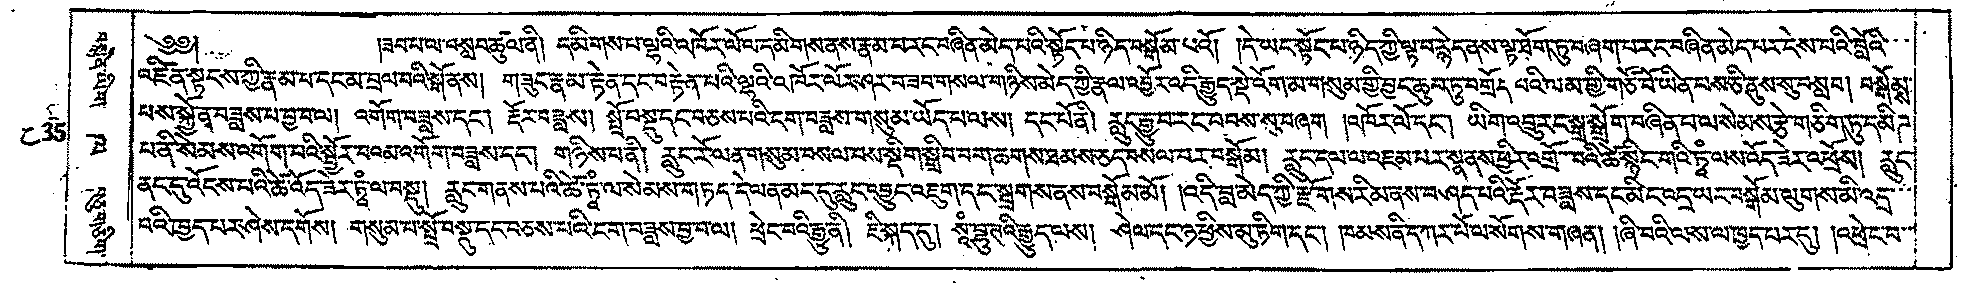༄༅། །ཟབ་པ་ལ་བསླབ་ཚུལ་ནི། དམིགས་པ་ལྷའི་འཁོར་ལོ་ལ་དམིགས་ནས་རྣམ་པ་རང་བཞིན་མེད་པའི་སྟོང་པ་ཉིད་བསྒོམ་པའོ། །དེ་ཡང་སྟོང་པ་ཉིད་ཀྱི་ལྟ་བ་རྙེད་ནས་ལྟ་ཐོག་ཏུ་བཞག་པ་རང་བཞིན་མེད་པར་ངེས་པའི་བློའི་་་
འཛིན་སྟངས་ཀྱི་རྣམ་པ་དང་མ་བྲལ་བའི་སྒོ་ནས། གཟུང་རྣམ་རྟེན་དང་བརྟེན་པའི་ལྷའི་འཁོར་ལོར་ཤར་བ་ཟབ་གསལ་གཉིས་མེད་ཀྱི་རྣལ་འབྱོར་འདི་རྒྱུད་སྡེ་འོག་མ་གསུམ་གྱི་བྱང་ཆུབ་ཏུ་བགྲོད་པའི་ལམ་གྱི་གཙོ་བོ་ཡིན་པས་ཅི་ནུས་སུ་བསླབ། བསྒོམས་
པས་སྐྱོ་ནྭ་བཟླས་པ་བྱ་བ་ལ། འགོག་བཟླས་དང་། རྡོར་བཟླས། སྤྲོ་བསྡུ་དང་བཅས་པའི་ངག་བཟླས་གསུམ་ཡོད་པ་ལས། དང་པོ་ནི། རླུང་རྒྱུ་བ་རང་བབས་སུ་བཞག །འཁོར་ལོ་དང་། ཡིག་འབྲུ་རང་སྒྲ་སྒྲོག་བཞིན་པ་ལ་སེམས་རྩེ་གཅིག་ཏུ་དམིཌ་
པ་ནི་སེམས་འགོག་པའི་སྦྱོར་བའམ་འགོག་བཟླས་དང་། གཉིས་པ་ནི། རླུང་རོ་ལན་གསུམ་བསལ་བས་སྡིག་སྒྲིབ་བག་ཆགས་ཐམས་ཅད་བསལ་བར་བསྒོམ། རླུང་དལ་ལ་འཇམ་པར་སྣ་ནས་ཕྱིར་འགྲོ་་་པའི་ཚེ་སྙིང་གའི་ཏཱཾ་ལས་འོད་ཟེར་འཕྲོས། རླུང་
ནང་དུ་འོངས་པའི་ཚེ་འོད་ཟེར་ཏཱཾ་ལ་བསྡུ། རླུང་གནས་པའི་ཚེ་ཏཱཾ་ལ་སེམས་གཏད་དེ་ལན་མང་དུ་རླུང་འབྱུང་འཇུག་དང་སྦྲགས་ནས་བསྒོམ་མོ། །འདི་བླ་མེད་ཀྱི་རྫོགས་རིམ་ནས་བཤད་པའི་རྡོར་བཟླས་དང་མིང་འདྲ་ཡང་བསྒོམ་ལུགས་མི་འདྲ་་་
བའི་ཁྱད་པར་ཤེས་དགོས། གསུམ་པ་སྤྲོ་བསྡུ་དང་བཅས་པའི་ངག་བཟླས་བྱ་བ་ལ། ཕྲེང་བའི་རྒྱུ་ནི། ཇི་སྐད་དུ། སཱཾ་བྷུ་ཌཱི་རྒྱུད་ལས། ཤེལ་དང་ཉ་ཕྱིས་མུ་ཏིག་དང་། ཁམས་ནི་དཀར་པོ་ལ་སོགས་གཞན། །ཞི་བའི་ལས་ལ་ཁྱད་པར་དུ། །འཕྲེང་བ་་་